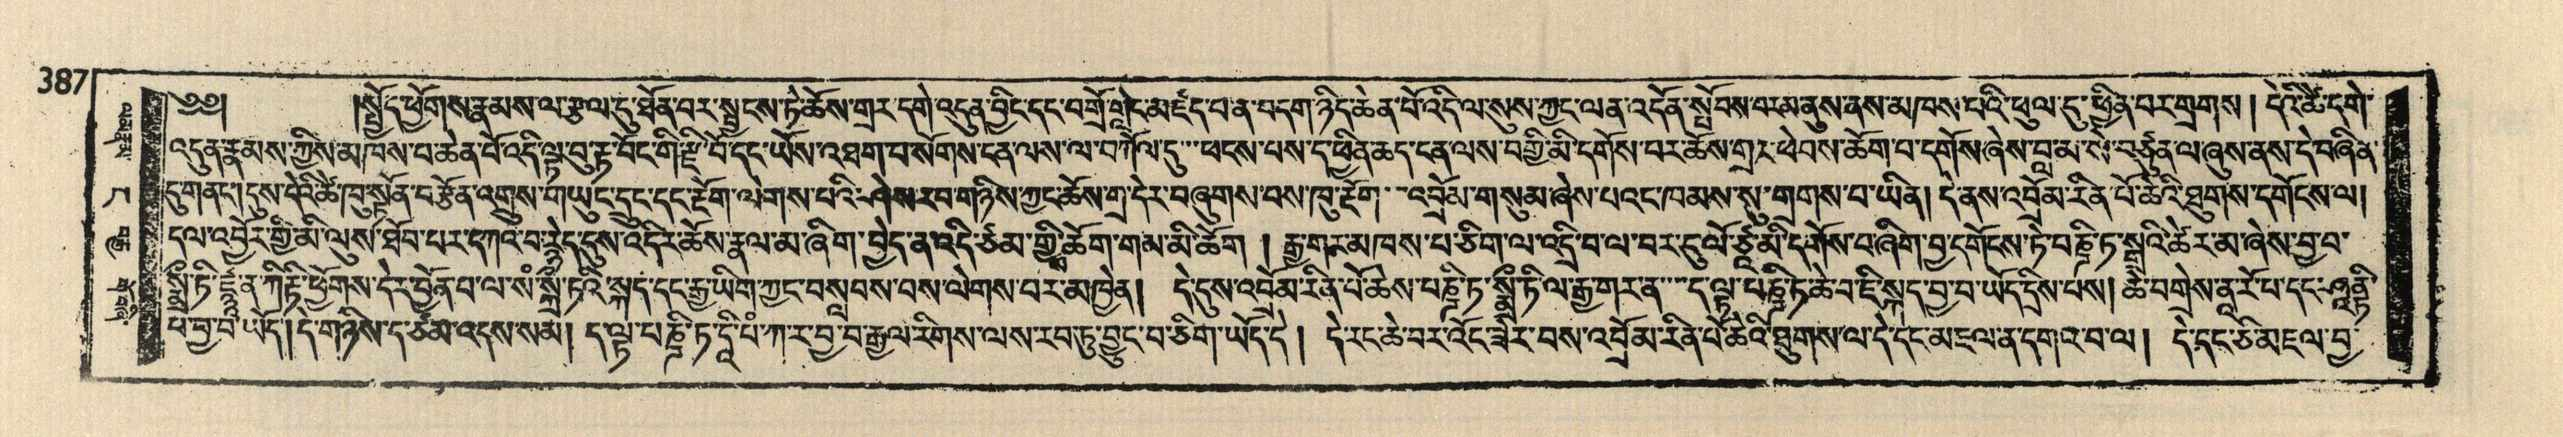༄༅། །སྤྱོད་ཕྱོགས་རྣམས་ལ་རྩལ་དུ་ཐོན་བར་སྦྱངས་ཏེ་ཆོས་གྲར་དགེ་འདུན་བྱིང་དང་བགྲོ་གླེང་མཛད་བ་ན་བདག་ཉིད་ཆེན་པོ་འདི་ལ་སུས་ཀྱང་ལན་འདོན་སྤོབས་བར་མ་ནུས་ནས་མཁས་པའི་ཕུལ་དུ་ཕྱིན་བར་གྲགས། དེའི་ཚེ་དགེ་
འདུན་རྣམས་ཀྱིས་མཁས་བ་ཆེན་པོ་འདི་ལྟ་བུ་རྟ་བོང་གི་རྫི་བོ་དང་ཡོས་འཐག་བ་སོགས་ངན་ལས་ལ་བཀོལ་དུ་ཕངས་པས་ད་ཕྱིན་ཆད་ངན་ལས་བགྱི་མི་དགོས་བར་ཆོས་གྲང་ཕེབས་ཆོག་བ་དགོས་ཞེས་བླ་མ་སེ་བཙུན་ལ་ཞུས་ནས་དེ་བཞིན་
དུ་གནང་། དུས་དེའི་ཚེ་ཁུ་སྟོན་བརྩོན་འགྲུས་གཡུང་དྲུང་དང་རྡོག་ལེགས་པའི་ཤེས་རབ་གཉིས་ཀྱང་ཆོས་གྲ་དེར་བཞུགས་བས་ཁུ་རྡོག་འབྲོམ་གསུམ་ཞེས་པའང་ཁམས་སུ་གྲགས་བ་ཡིན། དེ་ནས་འབྲོམ་རིན་པོ་ཆེའི་ཐུགས་དགོངས་ལ།
དལ་འབྱོར་གྱི་མི་ལུས་ཐོབ་པར་དཀའ་བ་རྙེད་དུས་འདིར་ཆོས་རྣལ་མ་ཞིག་བྱེད་ན་འདི་ཙམ་གྱིས་ཆོག་གམ་མི་ཆོག །རྒྱ་གར་མཁས་པ་ཅིག་ལ་འདྲི་བ་ལ་བར་དུ་ལོ་ཙཱ་མི་དགོས་བ་ཞིག་བྱ་དགོངས་ཏེ་བཎྜི་ཏ་སྒྲའི་ཚེར་མ་ཞེས་བྱ་བ་
སྨྲྀ་ཏི་ཛྙཱ་ན་ཀིརྟི་ཕྱོགས་དེར་བྱོན་པ་ལས་སཾ་སྐྲྀ་ཏའི་སྐད་དང་རྒྱ་ཡིག་ཀྱང་བསླབས་བས་ལེགས་པར་མཁྱེན། དེ་དུས་འབྲོམ་རིན་པོ་ཆེས་པཎྜི་ཏ་སྨྲྀ་ཏི་ལ་རྒྱ་གར་ན་ད་ལྟ་པཎྜི་ཏ་ཆེ་བ་ཇི་སྐད་བྱ་བ་ཡོད་དྲིས་པས། ཆེ་བ་བགྲེས་ནཱ་རོ་པ་དང་ཤཱནྟི་
པ་བྱ་བ་ཡོད། དེ་གཉིས་ད་ཙམ་འདས་སམ། ད་ལྟ་པཎྜི་ཏ་དཱི་པཾ་ཀ་ར་བྱ་བ་རྒྱལ་རིགས་ལས་རབ་ཏུ་བྱུང་བ་ཅིག་ཡོད་དེ། དེ་རང་ཆེ་བར་འོད་ཟེར་བས་འབྲོམ་རིན་པོ་ཆེའི་ཐུགས་ལ་དེ་དང་མཇལ་ན་དགའ་བ་ལ། དེ་དང་ཅི་མཇལ་བྱ་